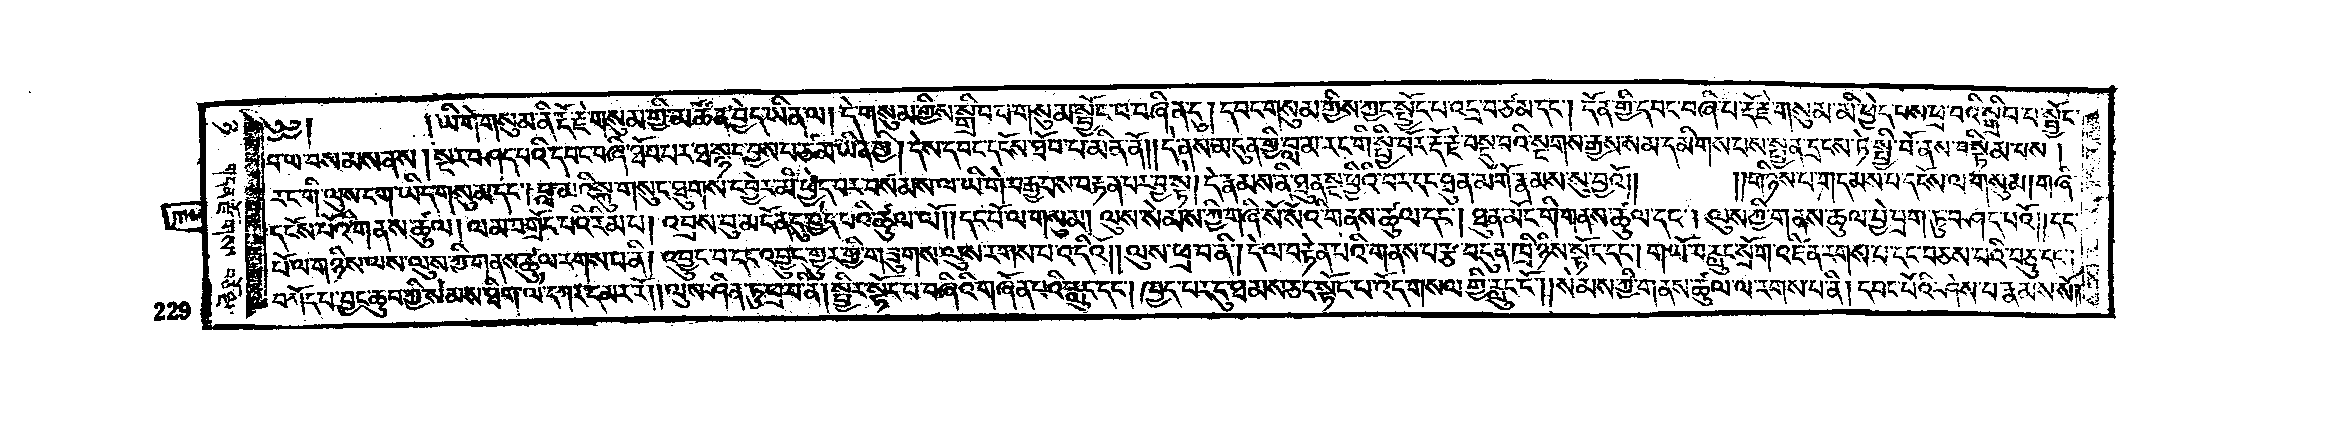༄༅། །ཡི་གེ་གསུམ་ནི་རྡོ་རྗེ་གསུམ་གྱི་མཚོན་བྱེད་ཡིན་ལ། དེ་གསུམ་གྱིས་སྒྲིབ་པ་གསུམ་སྦྱོང་བ་བཞིན་དུ། དབང་གསུམ་གྱིས་ཀྱང་སྤྱོད་པ་འདྲ་བ་ཙམ་དང་། དོན་གྱི་དབང་བཞི་པ་རྡོ་རྗེ་གསུམ་མི་ཕྱེད་པས་ཕྲ་བའི་སྒྲིབ་པ་སྦྱོང་
བ་ལ་བསམས་ནས། སྔར་བཤད་པའི་དབང་བཞི་ཐོབ་པར་ཐ་སྙད་བྱས་པ་ཙམ་ཡིན་གྱི། དེས་དབང་དངོས་ཐོབ་པ་མིན་ནོ། །དེ་ནས་མདུན་གྱི་བླ་མ་རང་གི་སྤྱི་བོར་རྡོ་རྗེ་བསྡུ་བའི་སྔགས་རྒྱས་སམ་དམིགས་པས་སྤྱན་དྲངས་ཏེ་སྤྱི་བོ་ནས་བསྟིམ་པས།
རང་གི་ལུས་ངག་ཡིད་གསུམ་དང་། བླ་མའི་སྐུ་གསུང་ཐུགས་དབྱེར་མི་ཕྱེད་པར་བསམས་ལ་ཡི་གེ་བརྒྱ་པས་བརྟན་པར་བྱ་སྟེ། དེ་རྣམས་ནི་ཐུན་སྔ་ཕྱིའི་བར་དང་ཐུན་མགོ་རྣམས་སུ་བྱའོ།། །།གཉིས་པ་གདམས་པ་དངོས་ལ་གསུམ། གཞི་
དངོས་པོའི་གནས་ཚུལ། ལམ་བགྲོད་པའི་རིམ་པ། འབྲས་བུ་མངོན་དུ་བྱེད་པའི་ཚུལ་ལོ། །དང་པོ་ལ་གསུམ། ལུས་སེམས་ཀྱི་གཞི་སོ་སོའི་གནས་ཚུལ་དང་། ཐུན་མོང་གི་གནས་ཚུལ་དང་། ལུས་ཀྱི་གནས་ཚུལ་བྱེ་བྲག་ཏུ་བཤད་པའོ། །དང་
པོ་ལ་གཉིས་ལས་ལུས་ཀྱི་གནས་ཚུལ་རགས་པ་ནི། འབྱུང་བ་དང་འབྱུང་གྱུར་གྱི་གཟུགས་ལུས་རགས་པ་འདིའོ། །ལུས་ཕྲ་བ་ནི། དེ་ལ་བརྟེན་པའི་གནས་པ་རྩ་བདུན་ཁྲི་ཉིས་སྟོང་པ་དང་། གཡོ་བ་རླུང་སྲོག་འཛིན་རགས་པ་དང་བཅས་པའི་བཅུ་དང་།
བཀོད་པ་བྱང་ཆུབ་ཀྱི་སེམས་ཐིག་ལེ་དཀར་དམར་རོ། །ལུས་ཤིན་ཏུ་ཕྲ་བ་ནི། སྤྱིར་སྟོང་པ་བཞིའི་གཞོན་པའི་རླུང་དང་། ཁྱད་པར་དུ་ཐམས་ཅད་སྟོང་པ་འོད་གསལ་གྱི་རླུང་ངོ། །སེམས་ཀྱི་གནས་ཚུལ་ལ་རགས་པ་ནི། དབང་པོའི་ཤེས་པ་རྣམས་སོ། །